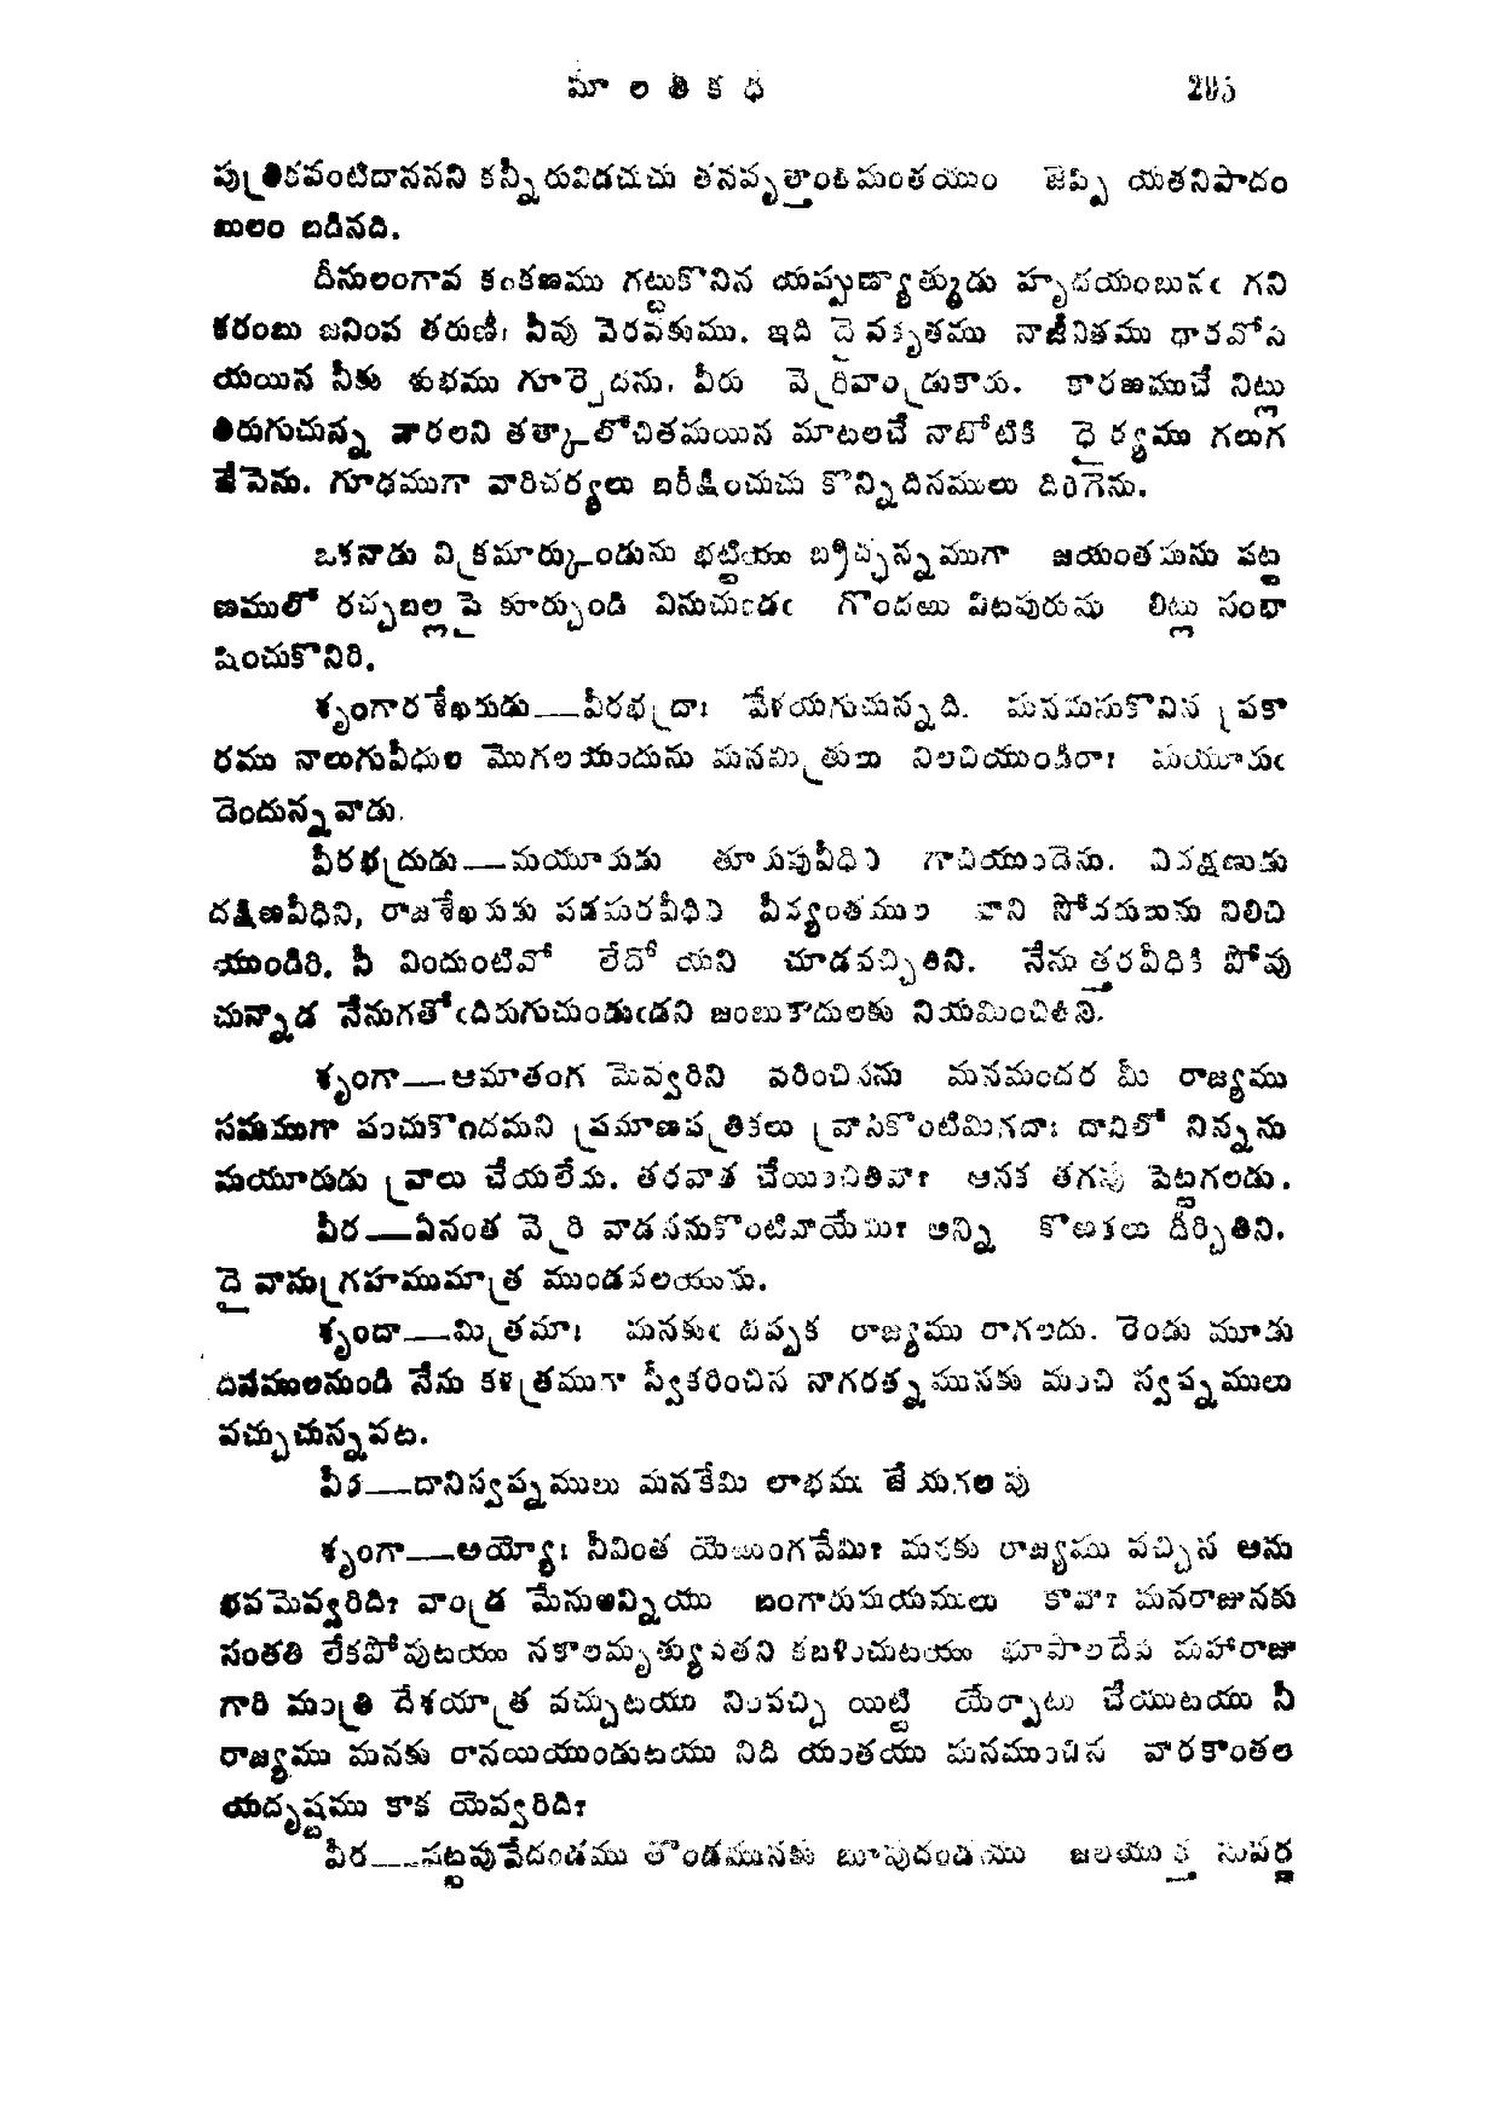పుత్రికవంటిదాననని కన్నీరువిడచుచు తనవృత్తాంతమంతయుం జెప్పి యతనిపాదంబులం బడినది.

దీనులంగావ కంకణము గట్టుకొనిన యప్పుణ్యాత్ముడు హృదయంబునఁ గనికరంబు జనింప తరుణీ! నీవు వెరవకుము. ఇది దైవకృతము నాజీవితము ధారవోసి యయిన నీకు శుభము గూర్చెదను. వీరు వెర్రివాండ్రుకారు. కారణముచే నిట్లు తిరుగుచున్న వారలని తత్కాలోచితమయిన మాటలచే నాబోటికి ధైర్యము గలుగ జేసెను. గూఢముగా వారిచర్యలు బరీక్షించుచు కొన్నిదినములు దిరిగెను.

ఒకనాడు విక్రమార్కుండును భట్టియు బ్రచ్ఛన్నముగా జయంతమను పట్టణములో రచ్చబల్ల పై కూర్చుండి వినుచుండఁ గొందఱు విటపురుషు లిట్లు సంభాషించుకొనిరి.

శృంగార శేఖరుడు - వీరభద్రా? వేళయగుచున్నది. మనమనుకొనిన ప్రకారము నాలుగువీథుల మొగలయందును మనమిత్రులు నిలచియుండిరా? మయూరుఁ డెందున్నవాడు.

వీరభద్రుడు - మయూరుడు తూరుపువీథిని గాచియుండెను. వివక్షణుడు దక్షిణవీథిని, రాజశేఖరుడు పడమరవీథిని వీథ్యంతముల వాని సోదరులును నిలిచి యుండిరి. నీ విందుంటివో లేదో యని చూడవచ్చితిని. నేనుత్తరవీథికి పోవుచున్నాడ నేనుగతోఁ దిరుగుచుండుఁడని జంబుకాదులకు నియమించితిని.

శృంగా - ఆమాతంగ మెవ్వరిని వరించినను మనమందర మీ రాజ్యము సమముగా పంచుకొందమని ప్రమాణపత్రికలు వ్రాసికొంటిమిగదా? దానిలో నిన్నను మయూరుడు వ్రాలు చేయలేదు. తరవాత చేయించితివా? ఆనక తగవు పెట్టగలడు .

వీర - ఏనంత వెర్రి వాడననుకొంటివాయేమి? అన్ని కొఱతలు దీర్చితిని. దైవానుగ్రహముమాత్ర ముండవలయును.

శృంగా - మిత్రమా! మనకుఁ దప్పక రాజ్యము రాగలదు. రెండు మూడు దినములనుండి నేను కళత్రముగా స్వీకరించిన నాగరత్నమునకు మంచిస్వప్నములు వచ్చుచున్నవట.

వీర - దానిస్వప్నములు మనకేమి లాభము జేయగలవు.

శృంగా - అయ్యో! నీవింత యెఱుంగవేమి ? మనకు రాజ్యము వచ్చిన అనుభవమెవ్వరిది? వాండ్ర మేనులన్నియు బంగారుమయములు కావా? మనరాజునకు సంతతి లేకపోవుటయు నకాలమృత్యు వతని కబళించుటయు భూపాలదేవమహారాజు గారి మంత్రి దేశయాత్ర వచ్చుటయు నిటవచ్చి యిట్టి యేర్పాటు చేయుటయు నీ రాజ్యము మనకు రానయియుండుటయు నిది యంతయు మనముంచిన వారకాంతల యదృష్టము కాక యెవ్వరిది?

వీర - పట్టపువేదండము తొండమునకు బూవుదండయు జలయుక్త సువర్ణ